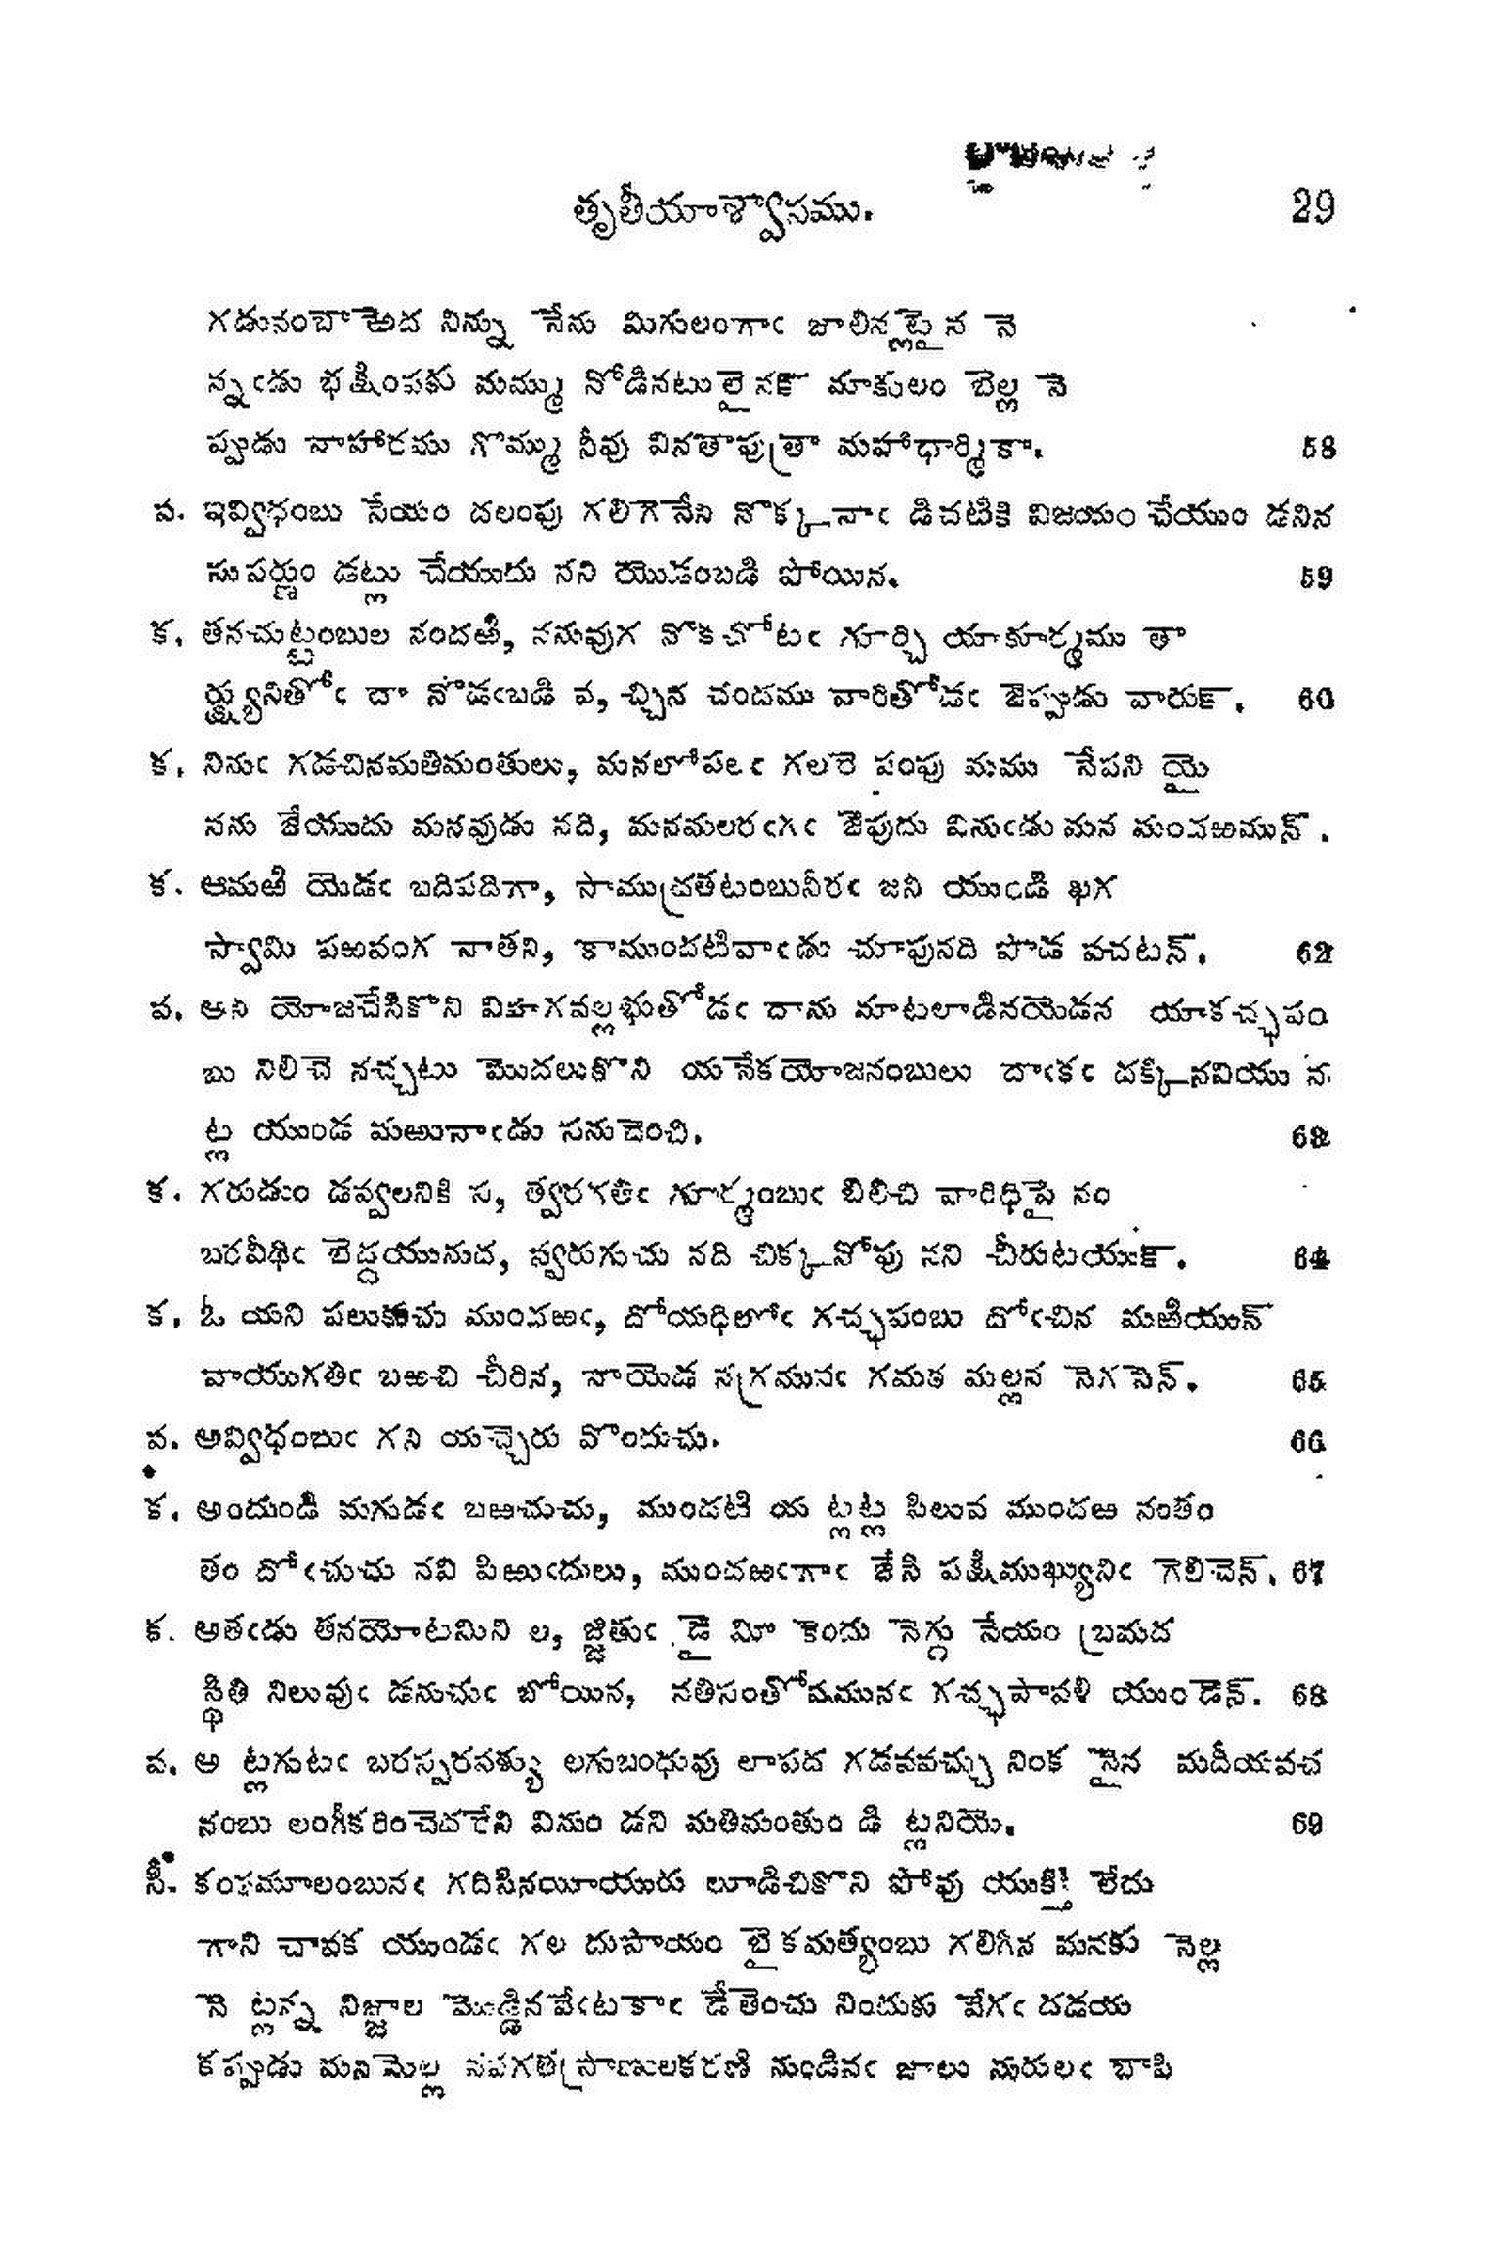గడునంబాఱెద నిన్ను నేను మిగులంగాఁ జాలినట్లైన నె
 న్నఁడు భక్షింపకు మమ్ము నోడినటులైనన్ మాకులం బెల్ల నె
 ప్పుడు నాహారము గొమ్ము నీవు వినతాపుత్రా మహాధార్మికా.
వ. ఇవ్విధంబు సేయం దలంపు గలిగెనేని నొక్కనాఁ డిచటికి విజయం చేయుం డనిన
 సుపర్ణుం డట్లు చేయుదు నని యొడంబడి పోయిన.
క. తనచుట్టంబుల నందఱి, ననువుగ నొకచోటఁ గూర్చి యాకూర్మము తా
 ర్క్ష్యునితోఁ దా నొడఁబడి వ, చ్చినచందము వారితోడఁ జెప్పుడు వారున్.
క. నినుఁ గడచినమతిమంతులు, మనలోపలఁ గలరె పంపు మము నైపని యై
 నను జేయుదు మనవుడు నది, మనమలరఁగఁ జెపుదు వినుఁడు మన మంచఱమున్.
క. ఆమఱి యెడఁ బదిపదిగా, సాముద్రతటంబునీరఁ జని యుండి ఖగ
 స్వామి పఱవంగ నాతని, కాముందటివాఁడు చూపునది పొడ వచటన్.
వ. అని యోజచేసికొని విహగవల్లభుతోడఁ దాను మాటలాడినయెడన యాకచ్ఛపం
 బు నిలిచె నచ్చటు మొదలుకొని యనేక యోజనంబులు దాఁకఁ దక్కినవియు న
 ట్ల యుండ మఱునాఁడు సనుదెంచి.
క. గరుడుం డవ్వలనికి స, త్వరగఁ గూర్మంబుఁ బిలిచి వారిధిపై నం
 బరవీథిఁ బెద్దయునుద, వ్వరుగుచు నది చిక్కనోపు నని చీరుటయున్.
క. ఓ యని పలుకుచు ముందఱఁ, దోయధిలోఁ గచ్ఛపంబు దోఁచిన మఱియున్
 వాయుగతిఁ బఱచి చీరిన, నాయెడ నగ్రమునఁ గమఠ మల్లన నెగసెన్.
వ. అవ్విధంబుఁ గని యచ్చెరు వొందుచు.
క. అందుండి మగుడఁ బఱచుచు, ముండటి యట్లట్ల పిలువ ముందఱ నంతం
 తం దోఁచుచు నవి పిఱుఁదులు, ముందఱఁగాఁ జేసి పక్షిముఖ్యునిఁ గెలిచెన్.
క. అతఁడు తనయోటమిని ల, జ్జితుఁ డై మీ కెందు నెగ్గు సేయం బ్రమద
 స్థితి నిలువుఁ డనుచుఁ బోయిన, నతిసంతోషమునఁ గచ్ఛపావళి యుండెన్.
వ. అట్లగుటఁ బరస్పరవశ్యు లగుబంధువు లాపద గడవవచ్చు నింక నైన మదీయవచ
 నంబు లంగీకరించెదరేని వినుం డని మతిమంతుం డి ట్లనియె.
సీ. కంఠమూలంబునఁ గదిసినయీయురు లూడిచికొని పోవు యుక్తి లేదు
 గాని చావక యుండఁ గల దుపాయం బైకమత్యంబు గలిగిన మనకు నెల్ల
 నె ట్లన్న నిజ్జాల మొడ్డినవేఁటకాఁ డేతెంచు నిందుకు వేగఁ దడయ
 కప్పుడు మన మెల్ల నవగతప్రాణులకరణి నుండినఁ జాలు నురులఁ బాపి